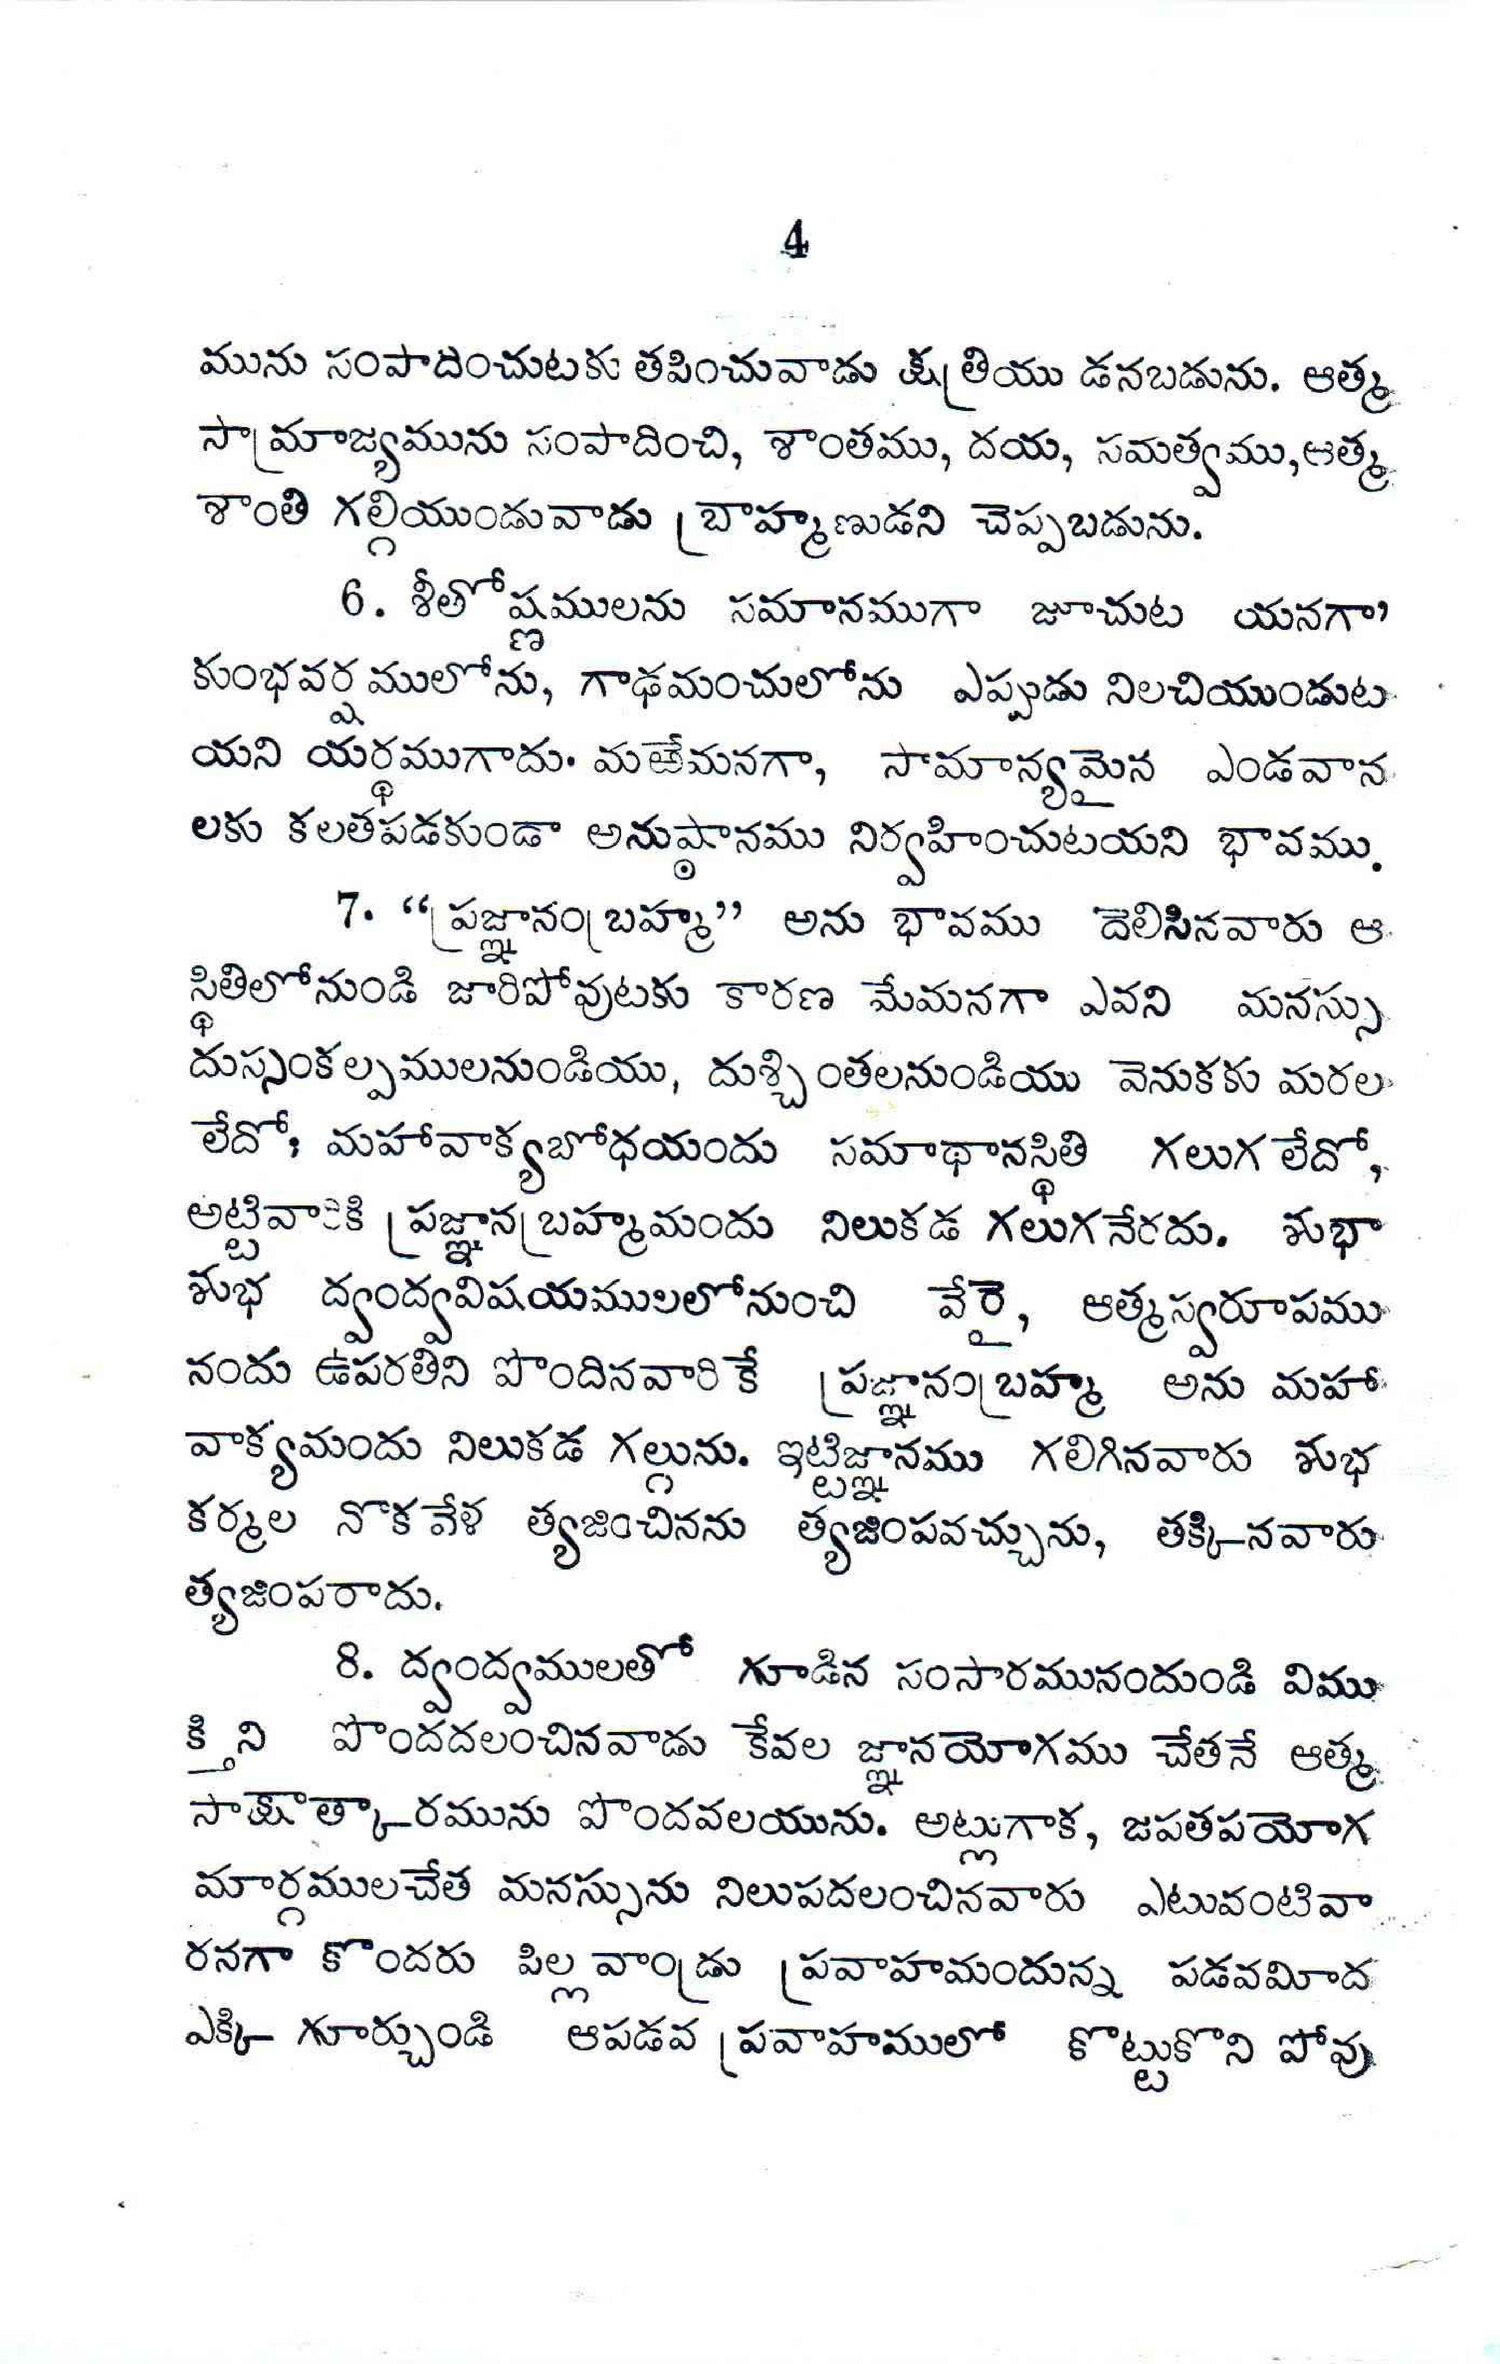మును సంపాదించుటకు తపించువాడు క్షత్రియు డనబడును. ఆత్మ
సామ్రాజ్యమును సంపాదించి, శాంతము, దయ, సమత్వము, ఆత్మ
శాంతి గల్గియుండువాడు బ్రాహ్మణుడని చెప్పబడును.

6. సమానముగా జూచుట యనగా”
కుంభవర్షములోను, గాఢమంచులోను ఎప్పుడు నిలచియుండుట
యని యర్థముగాదు. మజేమనగా, సామాన్యమైన ఎండ వాన
లకు కలతపడకుండా అనుష్ఠానము నిర్వహించుటయని భావము.

7. "ప్రజ్ఞానం బ్రహ్మ” అను భావము తెలిసినవారు ఆ
స్థితిలో నుండి జారిపోవుటకు కారణ మేమనగా ఎవని మనస్సు
దుస్సంకల్పములనుండియు, దుశ్చింతలనుండియు వెనుకకు మరల
లేదో, మహావాక్యబోధయందు సమాధానస్థితి గలుగ లేదో,
అట్టివారికి ప్రజ్ఞానబ్రహ్మమందు నిలుకడ గలుగనేరదు. శుభా
శుభ ద్వంద్వవిషయములలో నుంచి వేరై, ఆత్మస్వరూపము
నందు ఉపరతిని పొందినవారికే ప్రజ్ఞానం బ్రహ్మ అను మహా
వాక్యమందు నిలుకడ గల్గును. ఇట్టిజ్ఞానము గలిగినవారు శుభ
కర్మల నొకవేళ త్యజించినను త్యజింపవచ్చును, తక్కిన వారు
త్యజింపరాదు.

8. ద్వంద్వములతో గూడిన సంసారమునందుండి విము
క్తిని పొందదలంచినవాడు కేవల జ్ఞానయోగము చేతనే ఆత్మ
సాక్షాత్కారమును పొందవలయును. అట్లుగాక, జపతపయోగ
మార్గములచేత మనస్సును నిలుపదలంచినవారు ఎటువంటివా..
రనగా కొందరు పిల్ల వాండ్రు ప్రవాహమందున్న పడవమీద
ఎక్కి గూర్చుండి ఆపడవ ప్రవాహములో కొట్టుకొని పోవు